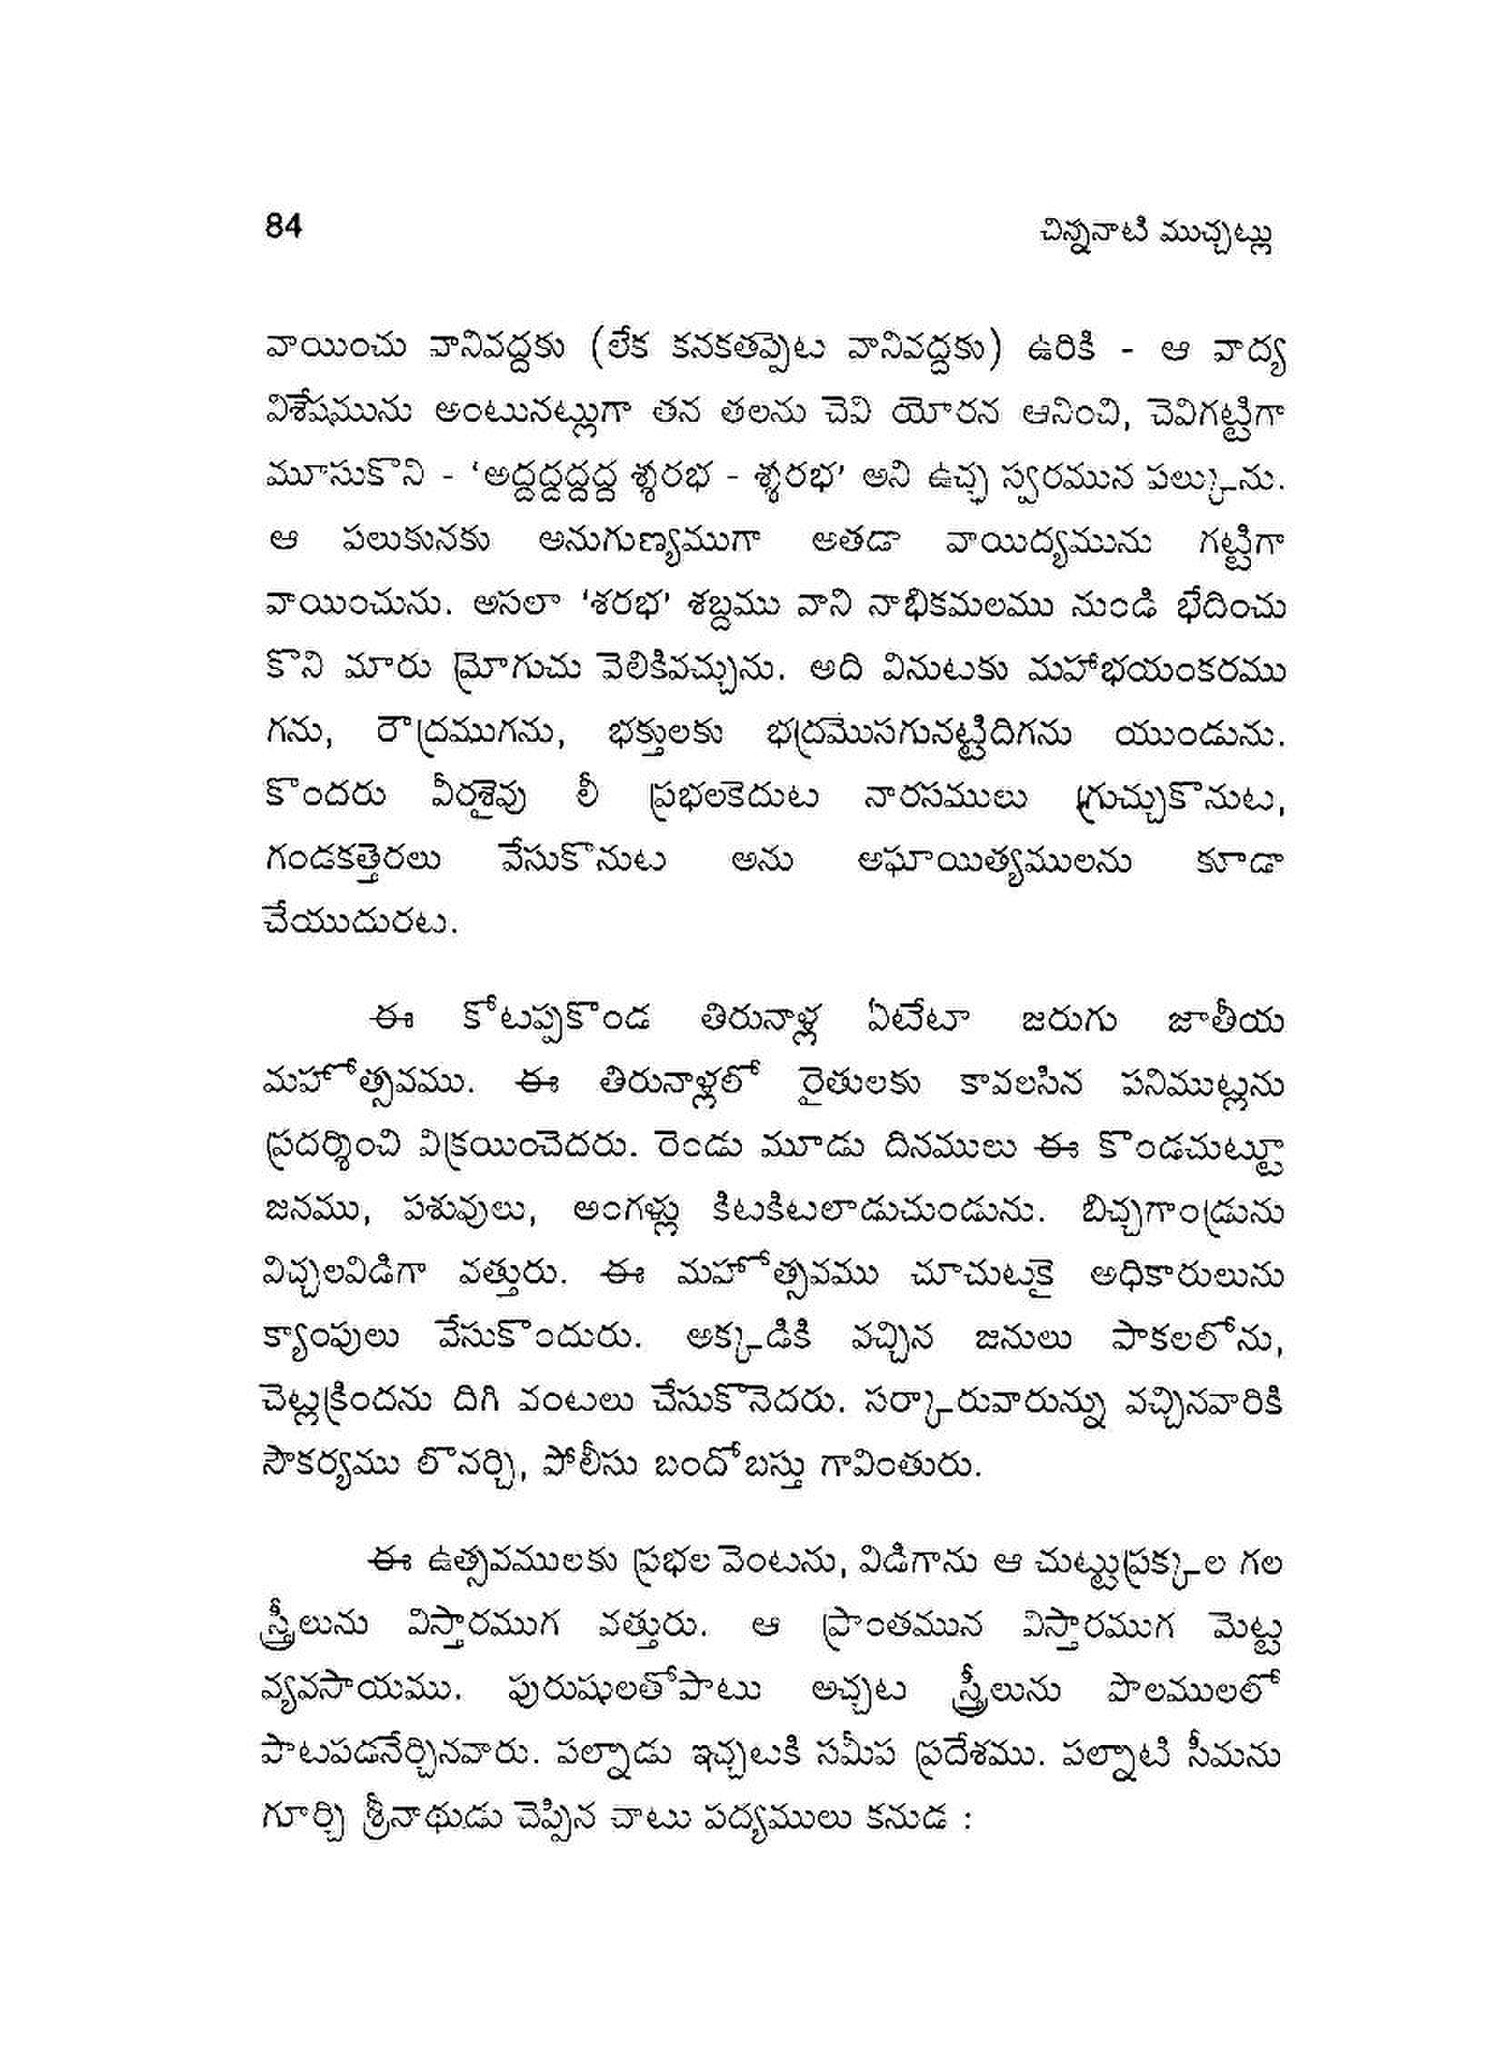వాయించు వానివద్దకు (లేక కనకతప్పెట వానివద్దకు) ఉరికి - ఆ వాద్య విశేషమును అంటునట్లుగా తన తలను చెవి యోరన ఆనించి, చెవిగట్టిగా మూసుకొని - 'అద్దద్దద్దద్ద శరభ - శరభ' అని ఉచ్ఛ స్వరమున పల్కును. ఆ పలుకునకు అనుగుణ్యముగా అతడా వాయిద్యమును గట్టిగా వాయించును. అసలా 'శరభ' శబ్దము వాని నాభికమలము నుండి భేదించు కొని మారు మ్రోగుచు వెలికివచ్చును. అది వినుటకు మహాభయంకరముగను, రౌద్రముగను, భక్తులకు భద్రమొసగునట్టిదిగను యుండును. కొందరు వీరశైవులీ ప్రభలకెదుట నారసములు గ్రుచ్చుకొనుట, గండకత్తెరలు వేసుకొనుట అను అఘాయిత్యములను కూడా చేయుదురట.

ఈ కోటప్పకొండ తిరునాళ్ల ఏటేటా జరుగు జాతీయ మహోత్సవము. ఈ తిరునాళ్లలో రైతులకు కావలసిన పనిముట్లను ప్రదర్శించి విక్రయించెదరు. రెండు మూడు దినములు ఈ కొండచుట్టూ జనము, పశువులు, అంగళ్లు కిటకిటలాడుచుండును. బిచ్చగాండ్రును విచ్చలవిడిగా వత్తురు. ఈ మహోత్సవము చూచుటకై అధికారులును క్యాంపులు వేసుకొందురు. అక్కడికి వచ్చిన జనులు పాకలలోను, చెట్ల క్రిందను దిగి వంటలు చేసుకొనెదరు. సర్కారువారున్ను వచ్చినవారికి సౌకర్యము లొనర్చి, పోలీసు బందోబస్తు గావింతురు.

ఈ ఉత్సవములకు ప్రభల వెంటను, విడిగాను ఆ చుట్టుప్రక్కల గల స్త్రీలును విస్తారముగ వత్తురు. ఆ ప్రాంతమున విస్తారముగ మెట్ట వ్యవసాయము. పురుషులతోపాటు అచ్చట స్త్రీలును పొలములలో పాటపడనేర్చినవారు. పల్నాడు ఇచ్చటకి సమీప ప్రదేశము. పల్నాటి సీమను గూర్చి శ్రీనాథుడు చెప్పిన చాటు పద్యములు కనుడ :